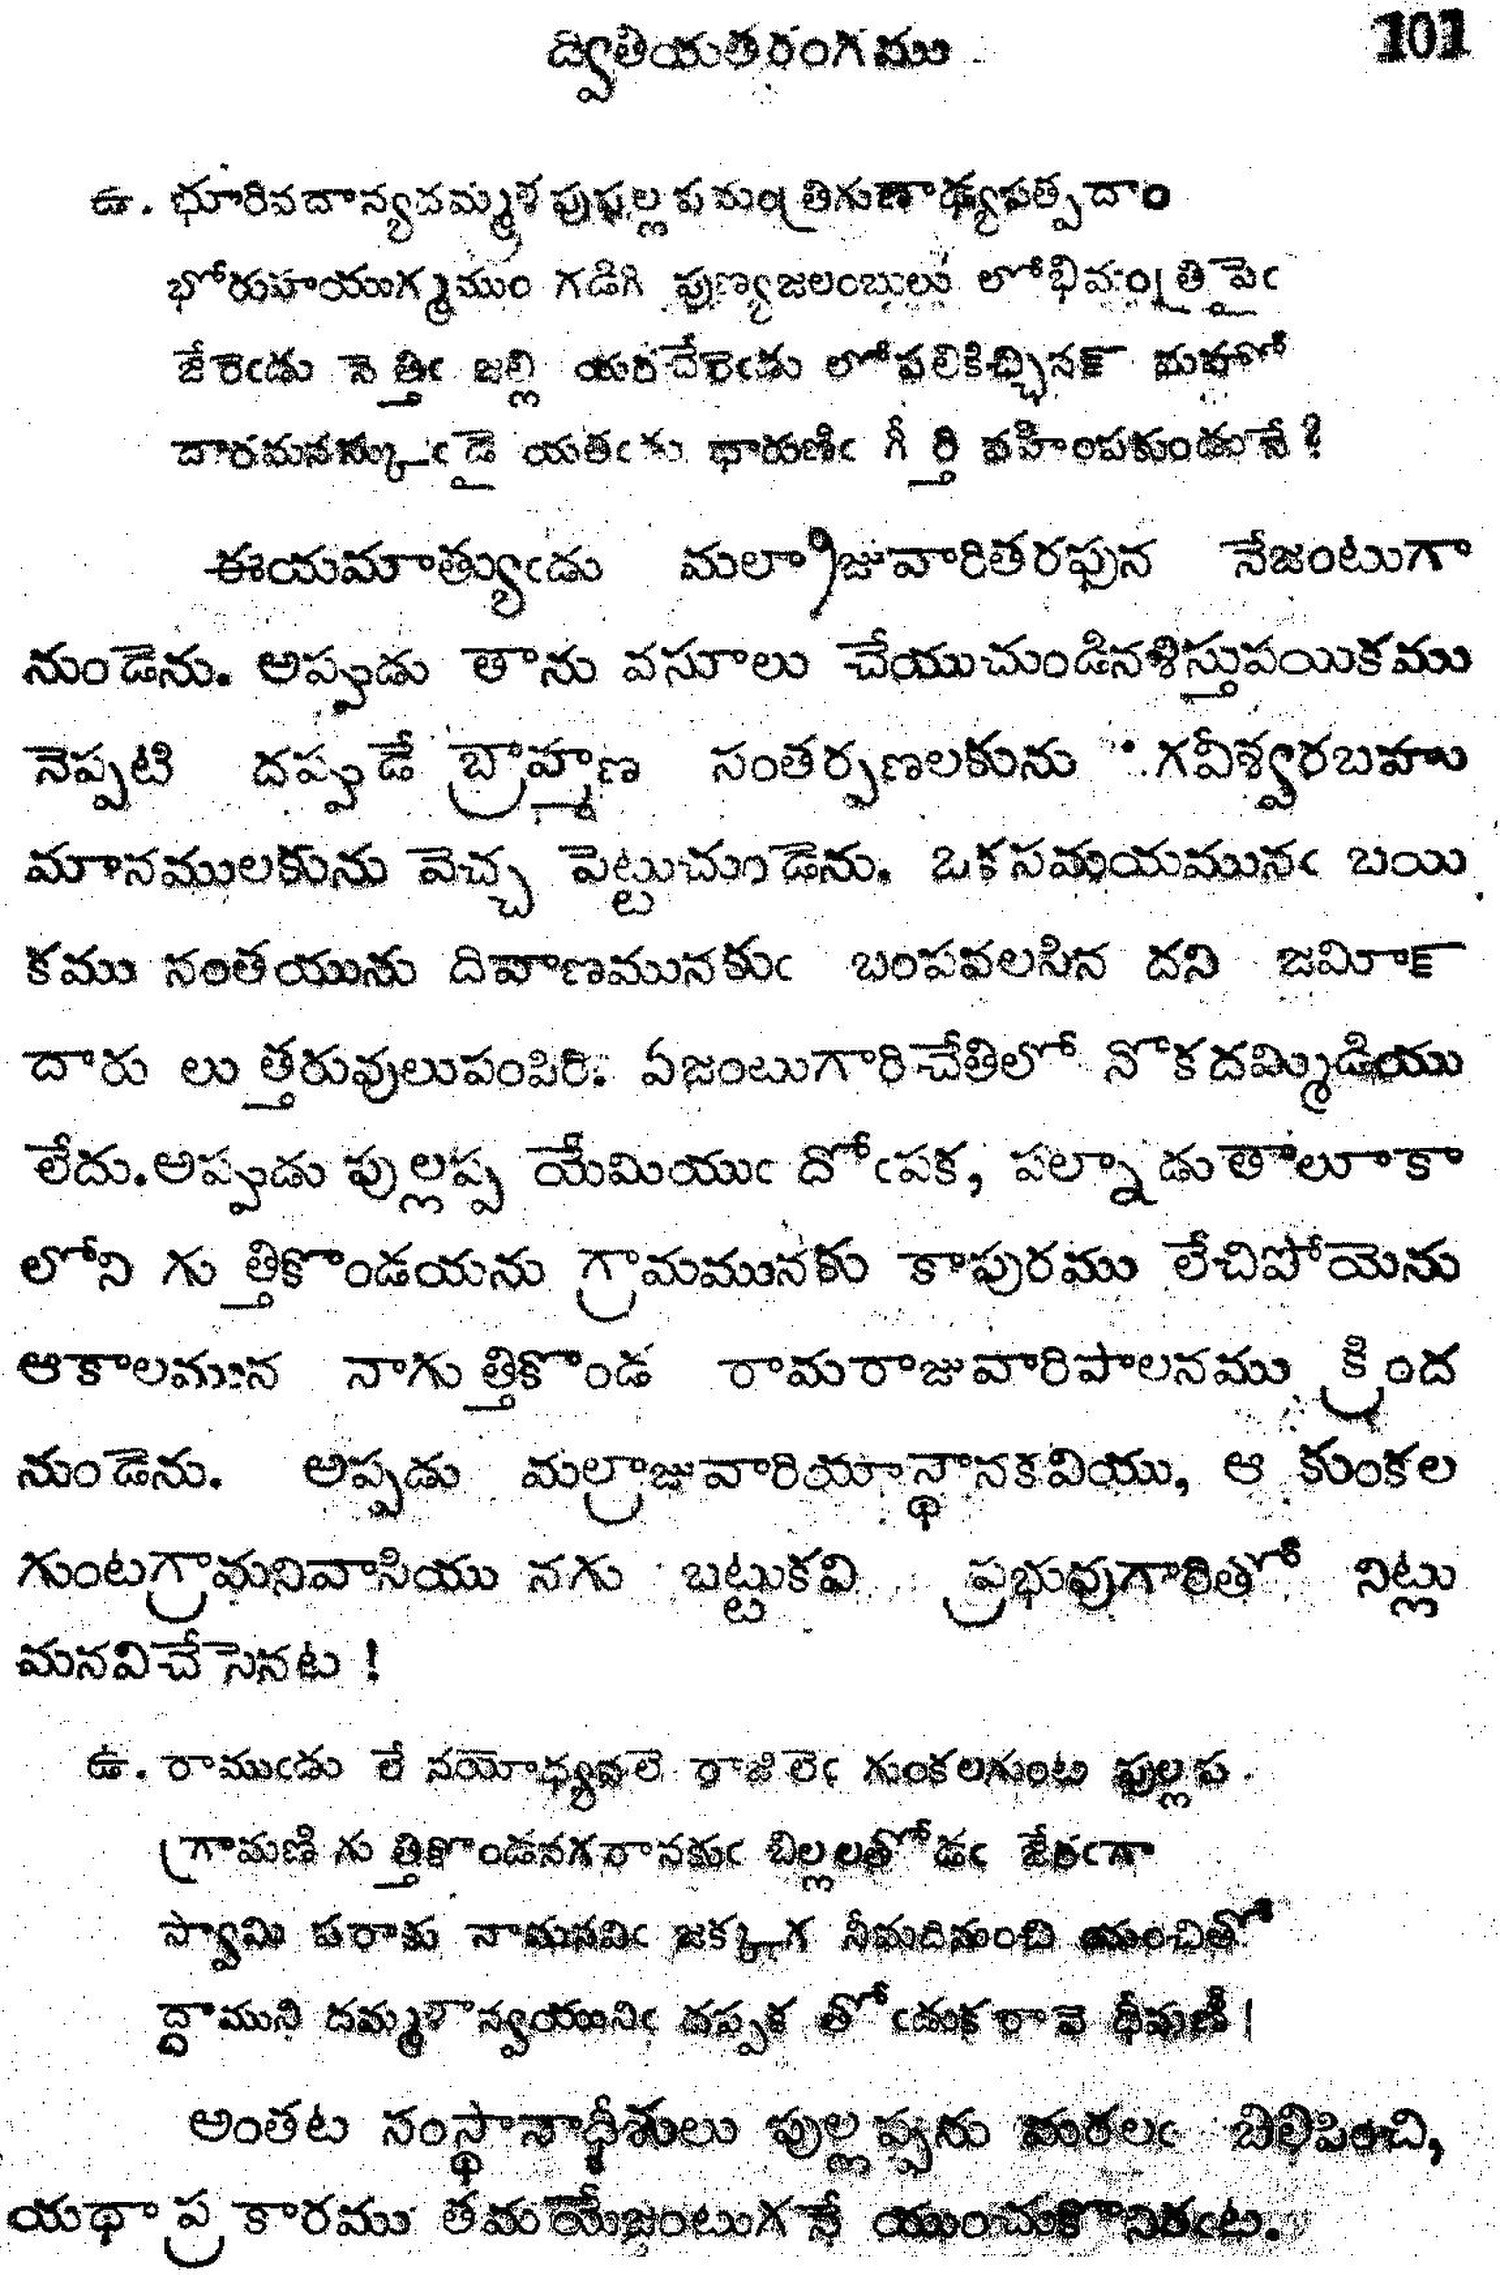ఉ. భూరివదాన్యదమ్మళపుపుల్లపమంత్రిగుణాఢ్యసత్పదాం
 భోరుహయుగ్మముం గడిగి పుణ్యజలంబులు లోభిమంత్రిపైఁ
 జేరెఁడు నెత్తిఁ జల్లి యరచేరెఁడు లోపలికిచ్చినన్ మహో
 దారమనస్కుఁడై యతఁడు ధారుణిఁ గీర్తి వహింపకుండునే?

ఈయమాత్యుఁడు మల్రాజువారితరఫున నేజెంటుగా నుండెను. అప్పుడు తాను వసూలు చేయుచుండిన శిస్తుపయికము నెప్పటి దప్పుడే బ్రాహ్మణసంతర్పణలకును గవీశ్వరబహుమానములకును వెచ్చ పెట్టుచుండెను. ఒకసమయమునఁ బయికము నంతయును దివాణమునకుఁ బంపవలసిన దని జమీన్దారు లుత్తరువులు పంపిరి. ఏజంటుగారిచేతిలో నొకదమ్మిడియు లేదు. అప్పుడు పుల్లప్ప యేమియుఁ దోఁపక, పల్నాడుతాలూకాలోని గుత్తికొండయను గ్రామమునకు కాపురము లేచిపోయెను. ఆకాలమున నాగుత్తికొండ రామరాజువారిపాలనముక్రింద నుండెను. అప్పుడు మల్రాజువారియాస్థానకవియు, ఆకుంకలగుంటగ్రామనివాసియు నగు బట్టుకవి ప్రభువుగారితో నిట్లు మనవి చేసెనట!

ఉ. రాముఁడు లే నయోధ్యవలె రాజిలెఁ గుంకలగుంట పుల్లప
 గ్రామణి గుత్తికొండనగరానకుఁ బిల్లలతోడఁ జేరఁగా
 స్వామి పరాకు నామనవిఁ జక్కగ నీమదినుంచి యంచితో
 ద్దాముని దమ్మళాన్వయునిఁ దప్పక తోఁడుకరావె ధీమణీ!

అంతట సంస్థానాధీశులు పుల్లప్పను మరలఁ బిలిపించి, యథాప్రకారము తమయేజంటుగనే యుంచుకొనిరఁట.